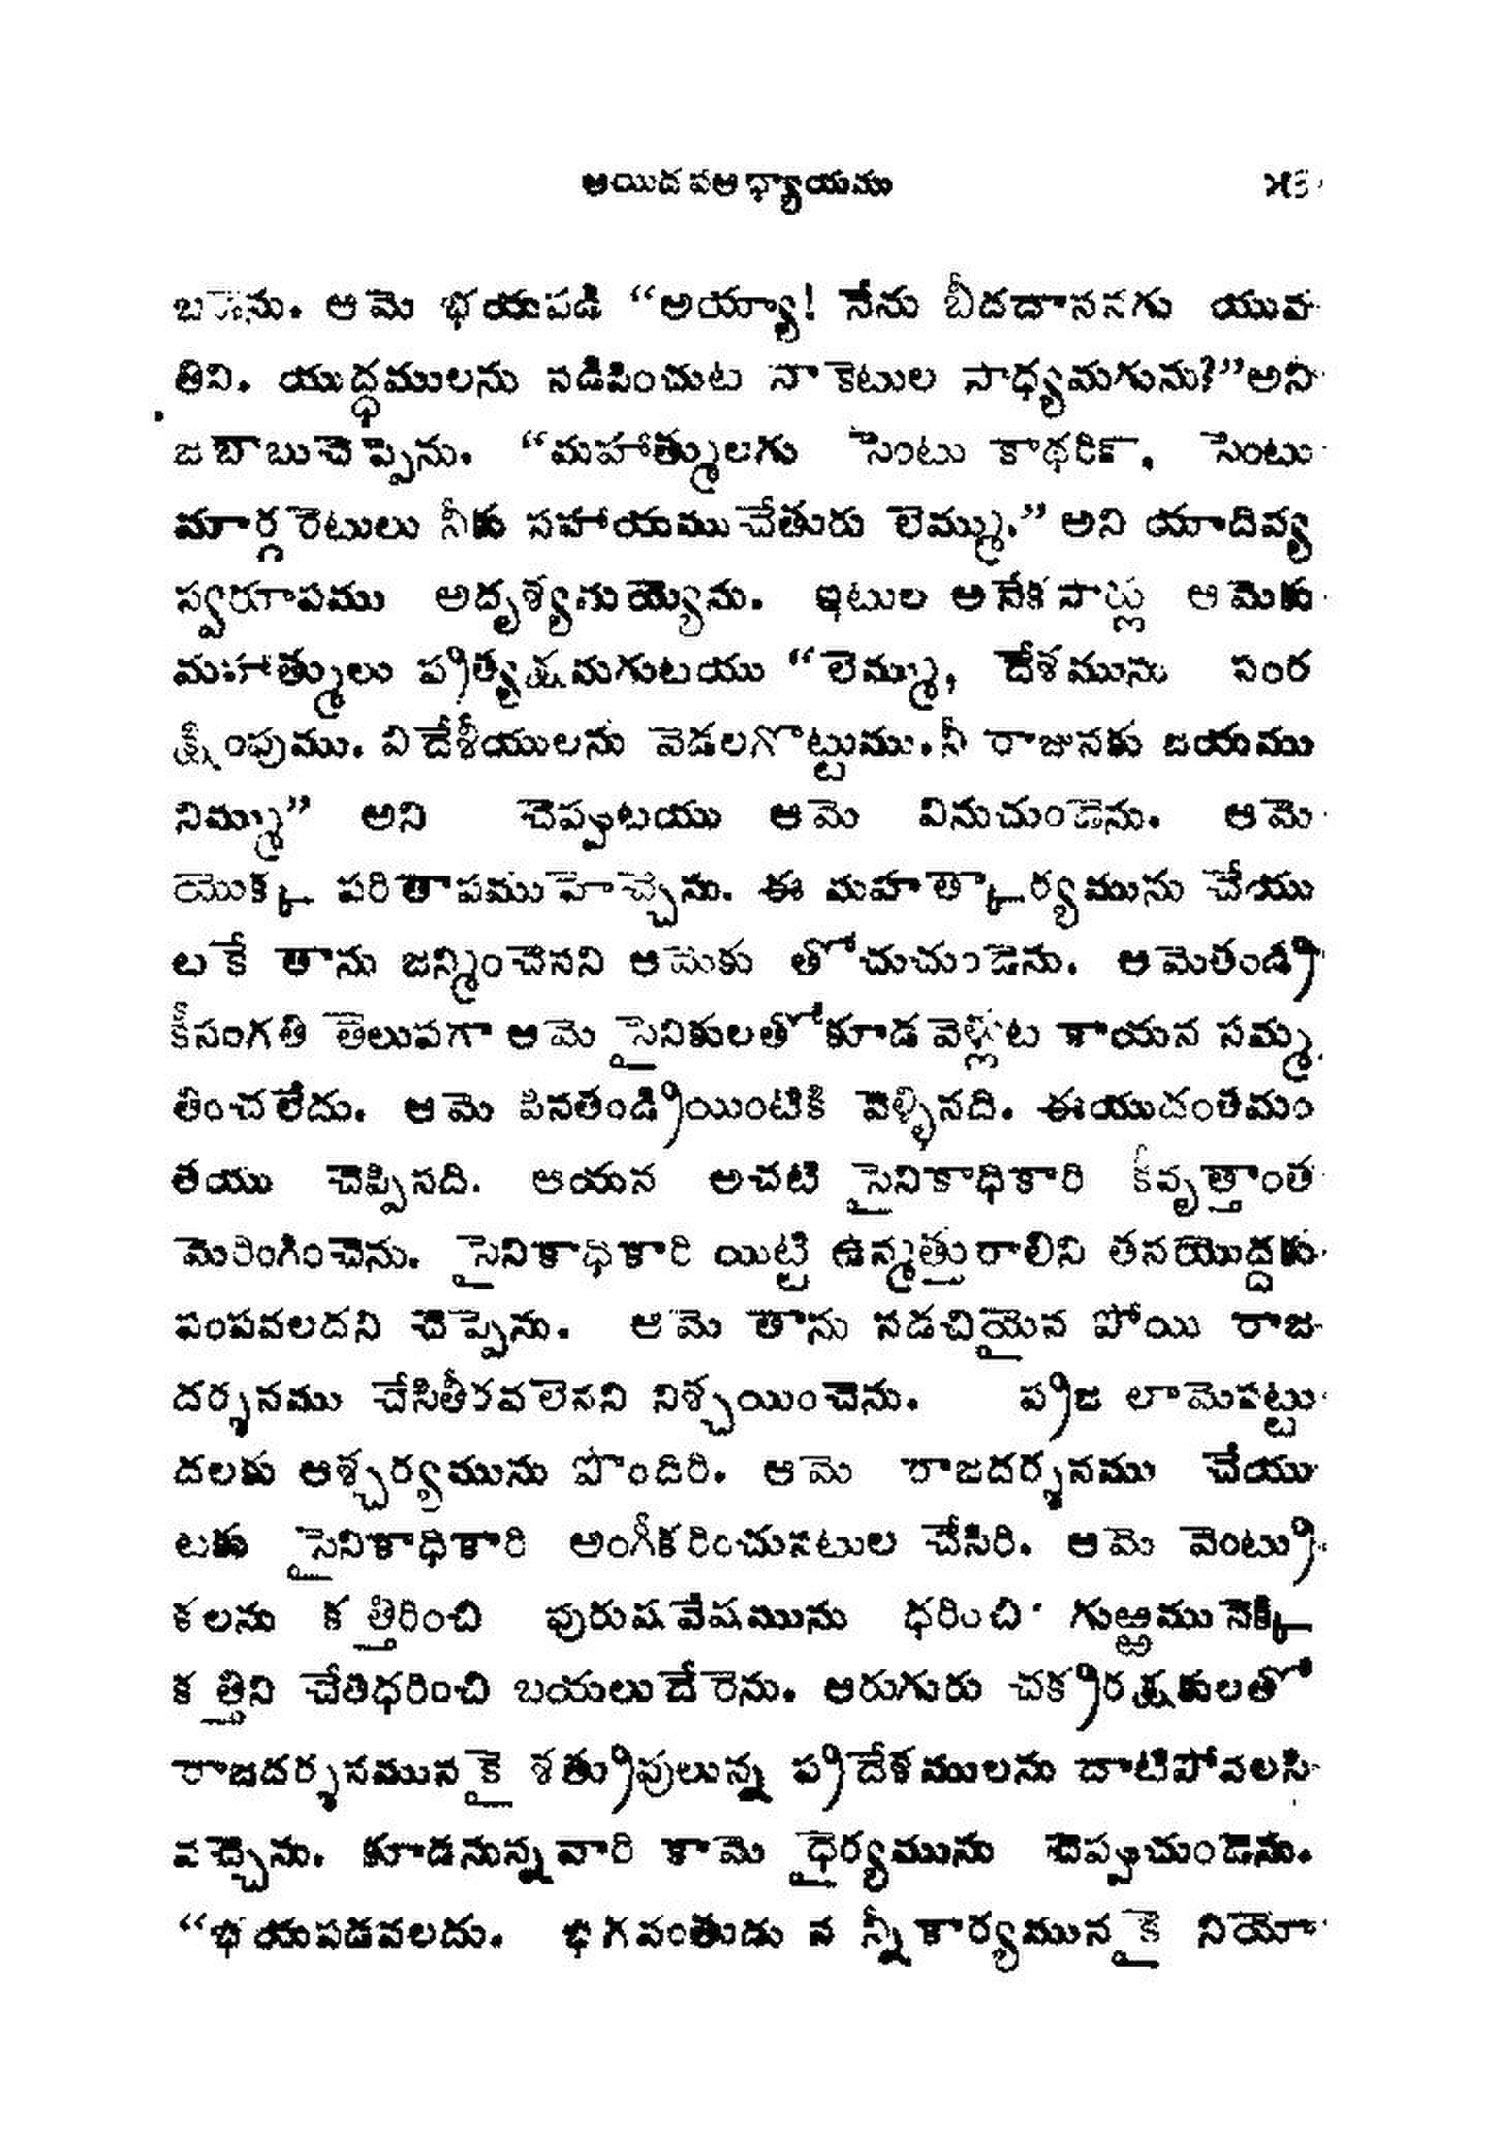బడెను. ఆమె భయపడి "అయ్యా! నేను బీదదాననగు యువ
తివి. యుద్ధములను నడిపించుట నా కెటుల సాధ్యమగును?” అని
జబాబు చెప్పెను. “మహాత్ములగు 'సెంటు కాథరిన్, సెంటు
మార్గరెటులు నీకు సహాయము చేతురు లెమ్ము.” అని యాదివ్య
స్వరూపము అదృశ్యముయ్యెను. ఇటుల అనేక సార్లు ఆమెకు
మహాత్ములు ప్రత్యక్ష మగుటయు " లెమ్ము, దేశమును సం
రక్షింపుము. విదేశీయులను వెడలగొట్టుము. నీ రాజునకు జయము
నిమ్మ" అని చెప్పుటయు ఆమె వినుచుండెను. ఆమె 
యొక్క పరితాపము హెచ్చెసు. ఈ మహత్కార్యమును చేయు
టకే తాను జన్మించెనని ఆమెకు తోచుచుండెను. ఆ మెతండ్రి,
కీసంగతి తెలుపగా ఆమె సైనికులతోకూడ వెళ్లట కాయన సమ్మ
తించలేదు. ఆమె పినతండ్రి యింటికి వెళ్ళినది. ఈ యుదంతమం
తయు చెప్పినది. ఆయన అచటి సైనికాధికారి కా వృత్తాంత
మెరింగించెను. సైనికాధికారి యిట్టి ఉన్మత్తురాలిని తన యొద్దకు
పంపవలదని చెప్పెను. ఆమె తాను నడచియైన పోయి రాజు
దర్శనము చేసితీరవలెనని నిశ్చయించెను. ప్రజ లామెపట్టు
దలకు ఆశ్చర్యమును పొందిరి. ఆమె రాజదర్శనము చేయు
టకు సైనికాధికారి అంగీకరించు నటుల చేసిరి. ఆమె వెంట్రు,
కలను కత్తిరించి పురుష వేషమును ధరించి • గుఱ్ఱము నెక్కి
కత్తిని చేతిధరించి బయలు దేరెను. ఆరుగురు చక్రరక్షకులతో
రాజదర్శనమున కై శత్రువులున్న ప్రదేశము దాటిపోవలసి
వచ్చెను.కూడసున్న వారి కామె ధైర్యమును చెప్పుచుండెను.
“భయపడవలదు. భగవంతుడు సన్నీ కార్యమునకై నియో'